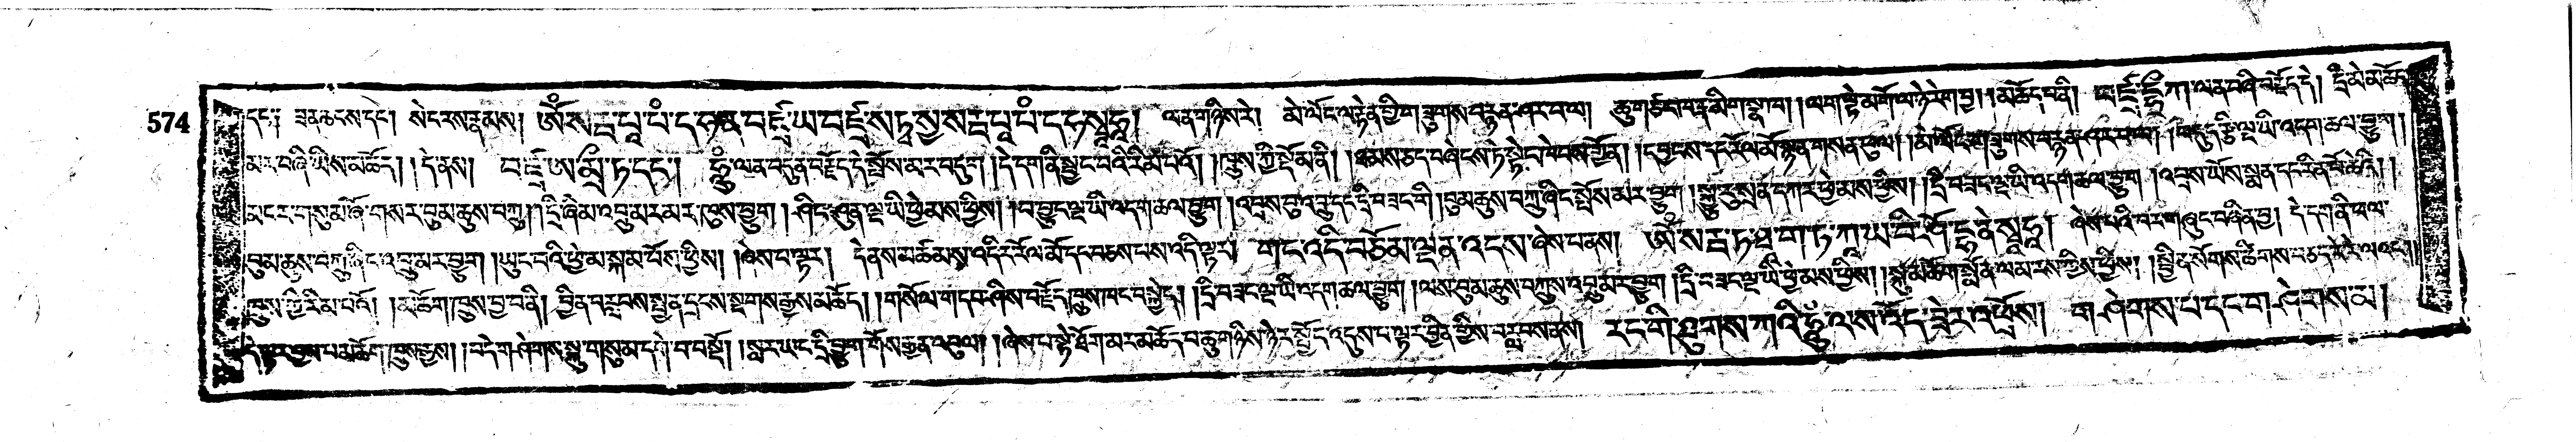དང༑ ཟན་ཆངས་དང་། སེང་རས་རྣམས། ཨོཾ་སརྦ་པཱ་པཾ་ད་ཧ་ན་བཛྲ་ཡ་བཛྲ་སཏྭ་སྱ་སརྦ་པཱ་པཾ་ད་ཧ་སྭཱཧཱ། ལན་གཉིས་རེ། མེ་ལོང་ལ་རྟེན་གྱི་གཟུགས་བརྙན་ཤར་བ་ལ། ཆུ་གཙང་ཁ་རྣ་མིག་སྣ་ཁ། །ལག་ལྟེ་མགོ་ལ་ཉེ་རེག་བྱ། །མཆོད་པ་ནི།  བཛྲ་དྷྲྀ་ཀ་ལན་བཞི་བརྗོད་དེ། དྲི་མེ་མཆོད་
མེར་བཞི་ཡིས་མཆོད། །དེ་ནས། བཛྲ་ཨ་མྲྀ་ཏ་དང་། ཧཱུཾ་ལན་བདུན་བརྗོད་དེ་སྤོས་མར་བདུག །དེ་དག་ནི་སྦྱང་བའི་རིམ་པའོ། །ཁྲུས་ཀྱི་སྡོམ་ནི། །ཐམས་ཅད་བཞེངས་ཏེ་སྟེང་ཁེབས་གྱོན། །དབྱངས་དང་རོལ་མོ་སྙན་གསན་ཕུལ། །མེ་ལོང་གཟུགས་བརྙན་ཤར་བ་ལ། །བདུད་རྩི་ལྔ་ཡི་འདག་ཆལ་བྱུག།
མངར་གསུམ་ཞོ་གསར་བུམ་ཆུས་བཀྲུ། །དྲི་ཞིམ་འབྲུ་མར་མར་ཁུས་བྱུག །ཤིང་ཤུན་ལྔ་ཡི་ཕྱེ་མས་ཕྱིས། །བ་བྱུང་ལྔ་ཡི་འདག་ཆལ་བྱུག །འབྲས་བུ་འབྲུ་དང་དྲི་བཟང་གི །བུམ་ཆུས་བཀྲུ་ཞིང་སྤོས་མར་བྱུག །སྐྱུ་རུ་སྲན་དཀར་ཕྱེ་མར་ཕྱིས། །དྲི་བཟང་ལྔ་ཡི་འདག་ཆལ་བྱུག །འབྲས་ཡོས་སྨན་དང་རིན་པོ་ཆེའི། །
བུམ་ཆུས་བཀྲུ་ཞིང་འབྲུ་མར་བྱུག །ཡུང་བའི་ཕྱེ་མ་སྐམ་པོས་ཕྱིས། །ཞེས་པ་ལྟར། དེ་ནས་མཚམས་འདིར་རོལ་མོ་དང་བཅས་པས་འདི་ལྟར། གང་འདི་བཅོམ་ལྡན་འདས་ཞེས་པ་ནས།  ཨོཾ་སརྦ་ཏ་ཐཱ་ག་ཏ་ཀཱ་ཡ་བི་ཤོ་དྷ་ནེ་སྭཱཧཱ། ཞེས་པའི་བར་གཞུང་བཞིན་བྱ། དེ་དག་ནི་ཕལ།
ཁྲུས་ཀྱི་རིམ་པའོ། །མཆོག་ཁྲུས་བྱ་བ་ནི། བྱིན་བརླབས་སྤྱན་དྲངས་སྔགས་རྒྱས་མཆོད། །གསོལ་གདབ་ཤིས་བརྗོད་ཁྲུས་ཁང་བསྐྱེད། །དྲི་བཟང་ལྔ་ཡི་འདག་ཆལ་བྱུག །ལས་བུམ་ཆུས་བཀྲུས་འབྲུ་མར་བྱུག །དྲི་བཟང་ལྔ་ཡི་ཕྱེ་མས་ཕྱིས། །སྐུ་མཆོག་སྨོན་ལམ་རས་ཀྱིས་ཕྱིས། །སྦྱིན་སོགས་ཚིགས་བཅད་རེ་རེ་ལའང་།
དེ་ལྟར་བྱས་པ་མཆོག་ཁྲུས་རྒྱས། །བདེ་གཤེགས་སྐུ་གསུམ་དགེ་བ་བསྡོ། །སླར་ཡང་དྲི་བྱུག་གོས་རྒྱན་འབུལ། །ཞེས་པ་སྟེ་ཐོག་མར་མཆོད་པ་ཆུ་གཉིས་ཉེར་སྤྱོད་འདུས་པ་ལྟར་བྱིན་གྱིས་བརླབས་ནས། རང་གི་ཐུགས་ཀའི་ཧཱུཾ་ལས་འོད་ཟེར་འཕྲོས། གཤེགས་པ་དང་གཤེགས་མ།